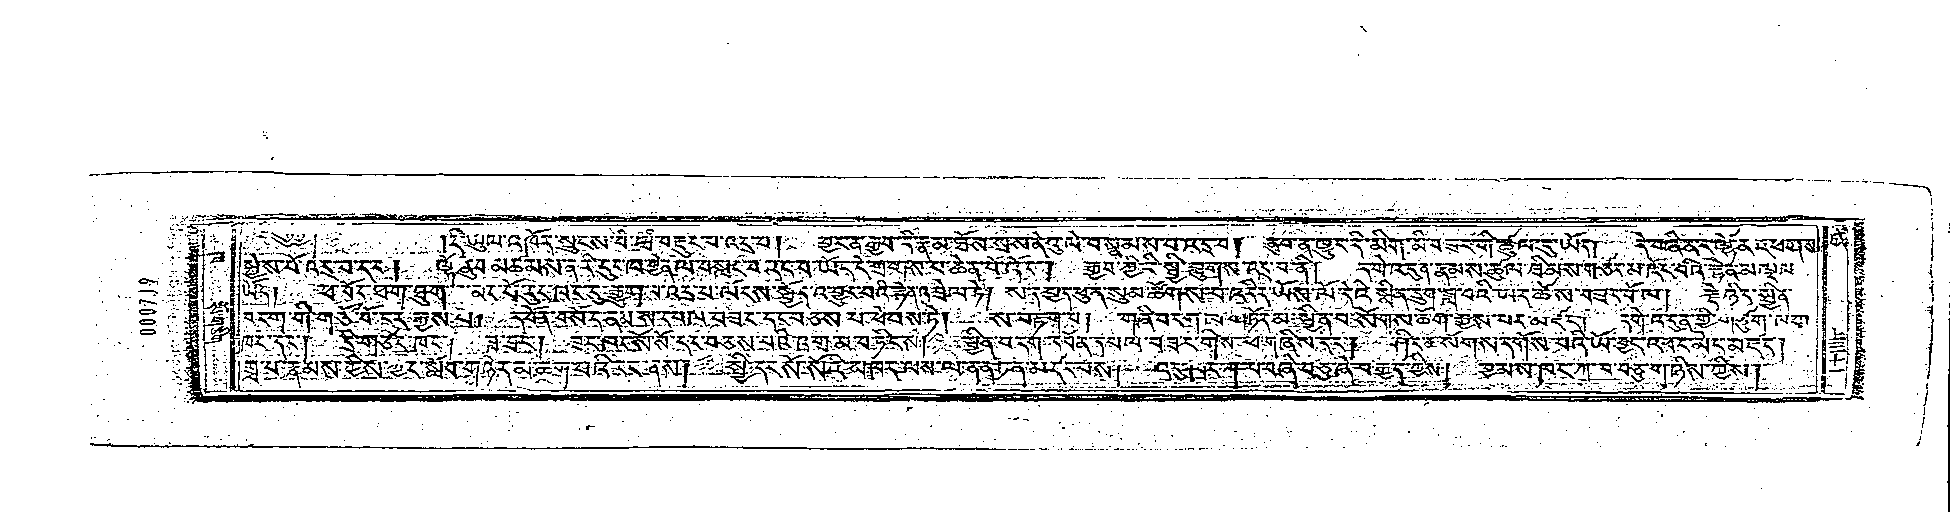༄༅། །རི་ཡུལ་འཁོར་སྲུངས་པི་ཝཾ་བརྡུང་པ་འདྲ་པ། བྱང་ན་རྒྱབ་རི་རྣམ་ཐོས་སྲས་ནེའུ་ལེ་བསྣམས་པ་འདྲ་བ། ནུབ་ན་ཁྱུང་རི་མིག་མི་བཟང་གི་ཚུལ་དུ་ཡོད། དེ་བཞིན་བ་ལྷོ་ན་འཕགས་
སྐྱེས་པོ་འདྲ་བ་དང་། ལྷོ་ནུབ་མཚམས་ན་རི་དུང་ཁ་གྱེན་ལ་བསླང་བ་འང་བ་ཡོད་དེ་གྲགས་པ་ཆེན་པོ་འོང་། རྒྱབ་ཀྱི་རི་སྤྱི་བླུགས་འདྲ་བ་ནི། དགེ་འདུན་རྣམས་ཚུལ་ཁྲིམས་གཙང་མ་འོང་བའི་རྟེན་མ་ལྔལ་
ཡོད། ཕ་བོང་ཐག་ཐུག་མང་པོ་རུང་ཁང་དུ་རྒྱུག་པ་འདྲ་པ་ལོངས་སྤྱོད་འབྱུང་བའི་རྟེན་འབྲེལ་ཏེ། ས་དཔྱད་ཕུན་སུམ་ཚོགས་པ་འདིར་ཡོས་ལོ་དེའི་སྨིན་དྲུག་ཟླ་བའི་ཡར་ཚེས་བཟང་པོ་ལ། རྗེ་ཉིད་སྦྱིན་
བདག་གི་གཙོ་བོ་དར་རྒྱས་པ། དཔོན་བསོད་ནམས་དཔལ་བཟང་དང་བཅས་པ་ཕེབས་ཏེ། ས་བརྟག་པ། གཞི་བདག་ལ་གཏོར་མ་སྦྱིན་བ་སོགས་ཆོག་རྒྱས་པར་མཛད། དགེ་འདུན་གྱི་གཙུག་ལག་
ཁང་དང་། དྲི་གཙང་ཁང་། བླ་བྲང་། བྲང་ཁང་སོ་སོ་དང་བཅས་པའི་འགྲམ་བཏིངས། སྦྱིན་བདག་དཔོན་དཔལ་བཟང་གིས་ཕ་གཞིས་དང་། ཤིང་ཆ་སོགས་དགོས་པའི་ཡོ་བྱད་འཕང་མེད་མཛད།
གྲྭ་པ་རྣམས་ཀྱིས་ཀྱང་སློབ་གཉེར་མ་ཆག་པའི་ངང་ནས། སྤྱི་དང་སོ་སོའི་མཁར་ལས་ལ་ནན་ཏན་མཛད་པས། འདུ་ཁང་ཀ་པ་བཞི་བཅུ་ཞེ་བརྒྱད་ཀྱིས། བྱམས་ཁང་ཀ་བ་བཅུ་གཉིས་ཀྱིས།